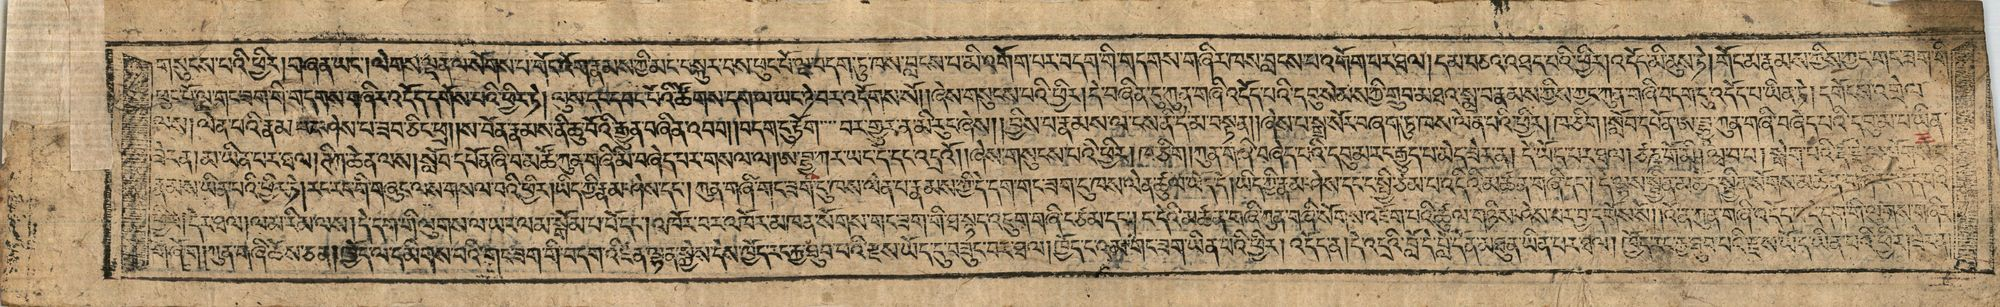གསུངས་པའི་ཕྱིར། གཞན་ཡང་། ལེགས་ལྡན་ལ་སོགས་པ་གོང་འོག་རྣམས་ཀྱིས་མང་བསྐུར་བས་ཕུང་པོ་ལྔ་བདག་ཏུ་ཁས་བླངས་པ་མི་འགོག་པར་བདག་གི་གདགས་གཞིར་ཁས་བླངས་པ་འགོག་པར་ཐལ། དམ་བཅའ་འཐད་པའི་ཕྱིར། འདོད་མི་ནུས་ཏེ། གོང་མ་རྣམས་ཀྱིས་ཀྱང་གང་ཟག་གི་
ཕུང་པོ་ལྔ་གང་ཟག་གི་གདགས་གཞིར་འདོད་དགོས་པའི་ཕྱིར་ཏེ། ལུས་དང་དབང་པོའི་ཚོགས་དག་ལ་ཡང་ཉེ་བར་འདོགས་སོ། །ཞེས་གསུངས་པའི་ཕྱིར། དེ་བཞིན་དུ་ཀུན་གཞི་འདོད་པའི་དབུ་སེམས་ཀྱི་གྲུབ་མཐའ་སྨྲ་བ་རྣམས་ཀྱིས་ཀྱང་ཀུན་གཞི་བདག་དུ་འདོད་པ་ཡིན་ཏེ། དགོངས་འགྲེལ་
ལས། ལེན་པའི་རྣམ་པར་ཤེས་བ་ཟབ་ཅིང་ཕྲ། །ས་བོན་རྣམས་ནི་ཆུ་བོའི་རྒྱུན་བཞིན་འབབ། །བདག་དུ་རྟོག་བར་གྱུར་ན་མི་རུང་ཞེས། །བྱིས་པ་རྣམས་ལ་ངས་ནི་དེ་མ་བསྟན། །ཞེས་པ་སྒྲ་སོར་བཞག་ཏུ་ཁས་ལེན་པའི་ཕྱིར། ཁ་ཅིག །སློབ་དཔོན་ཨ་བྷྱཱཀུན་གཞི་བཞེད་པའི་དབུ་མ་པ་ཡིན་
ཟེར་ན། མ་ཡིན་པར་ཐལ། ཊིཀ་ཆེན་ལས། སློབ་དཔོན་ཞི་བ་མཚོ་ཀུན་གཞི་མ་བཞེད་པར་གསལ་ལ། ཨ་བྷྱཱཀར་ཡང་དེ་དང་འདྲའོ། །ཞེས་གསུངས་པའི་ཕྱིར། ཁ་ཅིག །ཀུན་གཞི་བཞེད་པའི་དབུ་མ་རང་རྒྱུད་པ་མེད་ཟེར་ན། དེ་ཡོད་པར་ཐལ། ཙཎྜགོ་མི། ལྭ་བ་པ། སླགྤའི་རྡོ་རྗེ་ལ་སོགས་པ་
རྣམས་ཡིན་པའི་ཕྱིར་ཏེ། རང་རང་གི་གཞུང་ལས་གསལ་བའི་ཕྱིར། ཡིད་ཀྱི་རྣམ་ཤེས་དང་། ཀུན་གཞི་གང་ཟག་དུ་ཁས་ལེན་པ་རྣམས་ཀྱི་དེ་དག་གང་ཟག་དུ་ཁས་ལེན་ཚུལ་ཡོད་དེ། ཡིད་ཀྱི་རྣམ་ཤེས་དང་ང་སྤྱི་ཙམ་པ་འདིའི་མཚན་གཞི་དང་། དེ་ལྷས་སྦྱིན་མཆོད་སྦྱིན་སོགས་མཚན་གཞིར་འདོད་པའི་
ཕྱིར། དེར་ཐལ། ལམ་རིམ་ལས། དེ་དག་གི་ལུགས་ལ་ཡང་ལམ་སྒོམ་པ་པོ་དང་། འཁོར་བར་འཁོར་མཁན་སོགས་གང་ཟག་གི་ཐ་སྙད་འཇུག་གཞིངྩམ་དང་། ང་དེའི་མཚན་གཞི་ཀུན་གཞི་སོགས་འཇོག་པའི་ཚུལ་གཉིས་ཤེས་པར་བྱ་དགོས་སོ། །འོ་ན་ཀུན་གཞི་འདོད་པ་དེ་དག་གི་ལུགས་བཞིར་
གཞོག།ཀུན་གཞི་ཆོས་ཅན། ཁྱོད་ལ་དམིགས་པའི་གང་ཟག་གི་བདག་འཛིན་ལྷན་སྐྱེས་དེས་ཁྱོད་རང་རྐྱ་ཐུབ་པའི་རྫས་ཡོད་དུ་བཟུང་བར་ཐལ། ཁྱོད་ངའམ་གང་ཟག་ཡིན་པའི་ཕྱིར། འདོད་ན། དེ་འདྲའི་བློ་དེ་བློ་དོན་མཐུན་ཡིན་པར་ཐལ། ཁྱོད་རང་རྐྱ་ཐུབ་པའི་རྫས་ཡོད་ཡིན་པའི་ཕྱིར། ཟེར་ན།